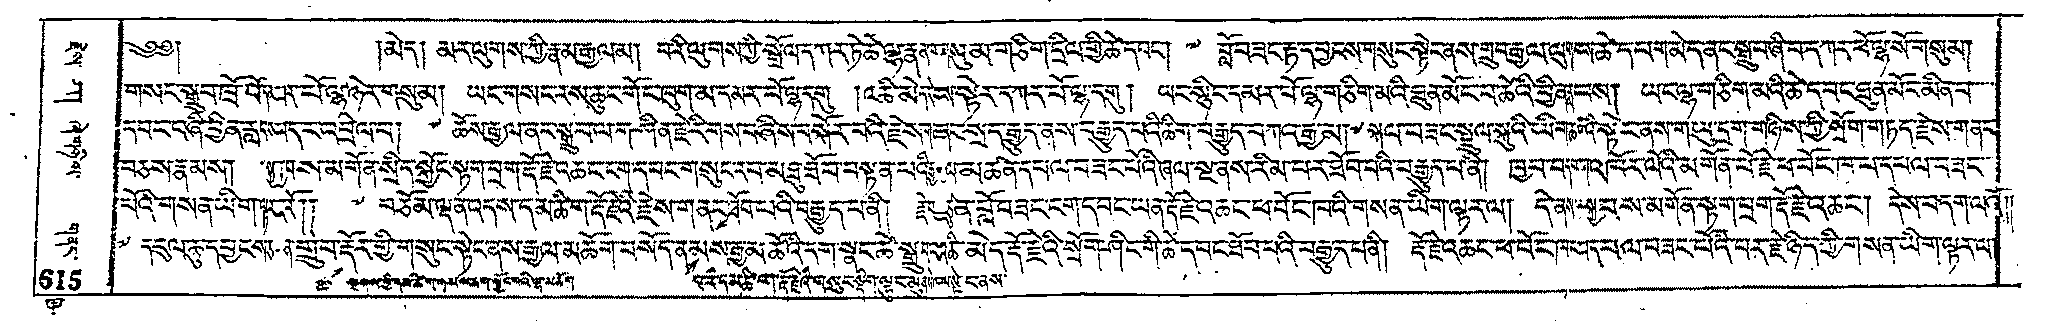༄༅། །མེད། མར་ལུགས་ཀྱི་རྣམ་རྒྱལ་མ། བ་རི་ལུགས་ཀྱི་སྒྲོལ་དཀར་ཏེ་ཆེ་ལྷ་རྣམ་གསུམ་གཅིག་དྲིལ་གྱི་ཚེ་དབང་། ༧་བློ་བཟང་རྟ་དབྱངས་གསུང་སྟེང་ནས་གྲུབ་རྒྱལ་ལུགས་ཚེ་དཔག་མེད་ནང་སྒྲུབ་ཞི་བ་དཀར་ཕོ་ལྷ་སོ་གསུམ།
གསང་སྒྲུབ་ཁྲོ་བོ་དམར་པོ་ལྷ་ཉེར་གསུམ། ཡང་གསང་རས་ཆུང་གོང་ཁུག་མ་དམར་པོ་ལྷ་དགུ །འཆི་མེད་ངེས་སྟེར་དཀར་པོ་ལྷ་དགུ། ཡང་སྙིང་དམར་པོ་ལྷ་གཅིག་མའི་ཐུན་མོང་པ་ཚེའི་བྱིན་རླབས། ཡང་ལྷ་གཅིག་མའི་ཚེ་དབང་ཐུན་མོང་མིན་པ་
དབང་བཞི་བྱིན་རླབས་དང་འབྲེལ་བ། ༧་ཆོས་རྒྱལ་ནང་སྒྲུབ་ལ་གཤིན་རྗེ་རིགས་བཞིས་བསྐོར་བའི་རྗེས་གནང་སྲད་རྒྱུད་ནས་བརྒྱུད་པའི་ཆིག་བརྒྱུད་བཀའ་རྒྱ་མ། ༧་སྐལ་བཟང་སྤྲུལ་སྐུའི་ཡིག་ཆའི་སྟེང་ནས་གཡུ་དྲག་གཉིས་ཀྱི་སྲོག་གཏད་རྗེས་གནང་
བཅས་རྣམས། ༧་སྐྱབས་མགོན་སྲིད་སྐྱོང་སྟག་བྲག་རྡོ་རྗེ་འཆང་ངག་དབང་གསུང་རབ་མཐུ་ཐོབ་བསྟན་པའི་རྒྱལ་མཚན་དཔལ་བཟང་པོའི་ཞལ་སྔ་ནས་རིམ་པར་ཐོབ་པའི་བརྒྱུད་པ་ནི། ཁྱབ་བདག་འཁོར་ལོའི་མགོན་པོ་རྗེ་ཕ་བོང་ཁ་པ་དཔལ་བཟང་
པོའི་གསན་ཡིག་ལྟར་རོ།། ༧་བཅོམ་ལྡན་འདས་དམ་ཚིག་རྡོ་རྗེའི་རྗེས་གནང་བ་རི་དམ་ཚིག་རྡོ་རྗེའི་གསུང་སྡིག་ལྟུང་མུན་སེལ་སྟེང་ནས་ཐོབ་པའི་བརྒྱུད་པ་ནི། རྗེ་བཙུན་བློ་བཟང་ངག་དབང་ཡན་རྡོ་རྗེ་འཆང་ཕ་བོང་ཁའི་གསན་ཡིག་ལྟར་ལ། དེ་ནས་སྐྱབས་མགོན་སྟག་བྲག་རྡོ་རྗེ་འཆང་། དེས་བདག་ལའོ།།
༧་དངུལ་ཆུ་དབྱངས་ཅན་གྲུབ་རྡོར་གྱི་གསུང་སྟེང་ནས་རྒྱལ་མཆོག་བསོད་ནམས་རྒྱ་མཚོའི་དག་སྣང་ཚེ་སྒྲུབ་འཆི་མེད་རྡོ་རྗེའི་སྲོག་ཤིང་གི་ཚེ་དབང་ཐོབ་པའི་བརྒྱུད་པ་ནི། རྡོ་རྗེ་འཆང་ཕ་བོང་ཁ་པ་དཔལ་བཟང་པོའི་བར་རྗེ་ཉིད་ཀྱི་གསན་ཡིག་ལྟར་ལ་